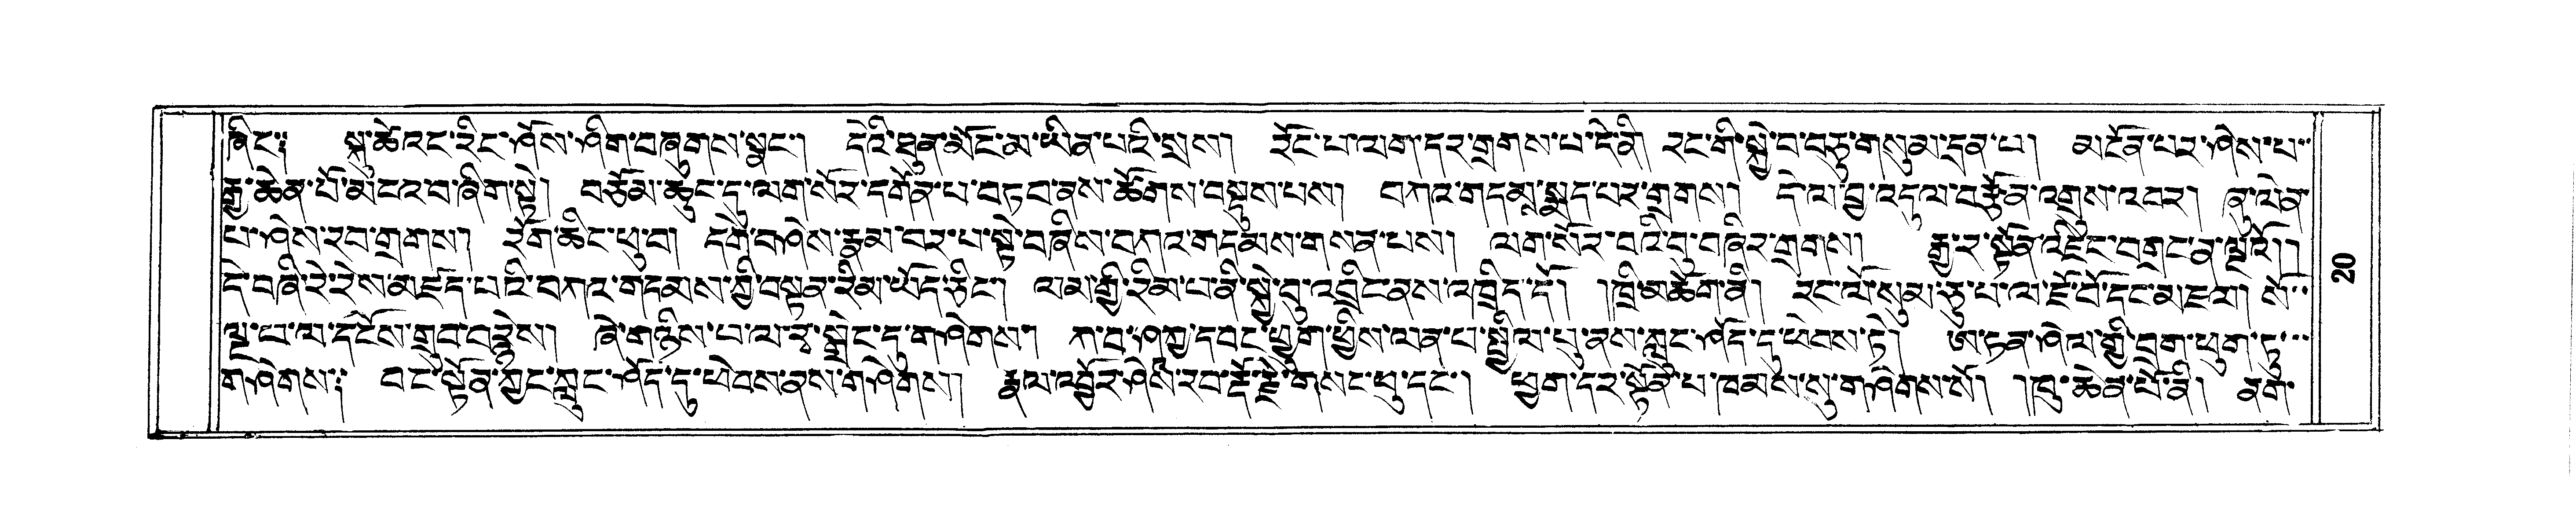ཞིང༑ སྐུ་ཚེའང་རིང་ཤོས་ཤིག་བཞུགས་སྣང་། དེའི་ཐུན་མོང་མ་ཡིན་པའི་སྲས། རོང་པ་ལག་དར་གྲགས་པ་དེ་ནི། རང་གི་སྐྱེ་བ་བཅུ་གསུམ་དྲན་པ། མངོན་པར་ཤེས་པ་
རྒྱ་ཆེན་པོ་མངའ་བ་ཞིག་སྟེ། བཅོམ་ཆུང་དུ་ལག་སོར་དགོན་པ་བཏབ་ནས་ཚོགས་བསྡུས་པས། བཀའ་གདམས་སྨད་པར་གྲགས། དེ་ལ་བྱ་འདུལ་བརྩོན་འགྲུས་འབར། ཞུ་ལེན་
པ་ཤེས་རབ་གྲགས། རོག་ཆིང་ཕུ་བ། དགེ་བཤེས་རྣམ་བར་པ་སྟེ་བཞིས་བཀའ་གདམས་གསན་པས། ལག་སོར་བའི་བུ་བཞིར་གྲགས། རྒྱ་ར་སྟོན་འཛིང་བགྲང་ན་ལྔའོ།།
དེ་བཞི་རེ་རེས་མཛད་པའི་བཀའ་གདམས་ཀྱི་བསྟན་རིམ་ཡོད་ཅིང་། ལམ་གྱི་རིམ་པ་ནི་སྐྱེ་བུ་འབྲིང་ནས་འཁྲིད་དོ། །ཁྲི་མཆོག་ནི། རང་ལོ་སུམ་ཅུ་པ་ལ་ཇོ་བོ་དང་མཇལ། སོ་
ལྔ་པ་ལ་དངོས་གྲུབ་བརྙེས། ཞེ་གཉིས་པ་ལ་རྭ་སྒྲེང་དུ་གཤེགས། ཀ་བ་ཤྰྐྱ་དབང་ཕྱུག་ཕྱིས་ལན་པ་སྤྱིལ་པུ་ནས་ཀླུང་ཤོད་དུ་ཕེབས་ཏེ། ཨ་ཏན་ཤེལ་གྱི་བྲག་ཕུག་ཏུ་
གཤེགས༑ བང་སྟོན་ཀྱང་ཀླུང་ཤོད་དུ་ཕེབས་ནས་གཤེགས། རྣལ་འབྱོར་ཤེས་རབ་རྡོ་རྗེ་གསང་ཕུ་དང་། ཕྱག་དར་སྟོན་པ་ཁམས་སུ་གཤེགས་སོ། །ཁུ་ཆེན་པོ་ནི། ནག་